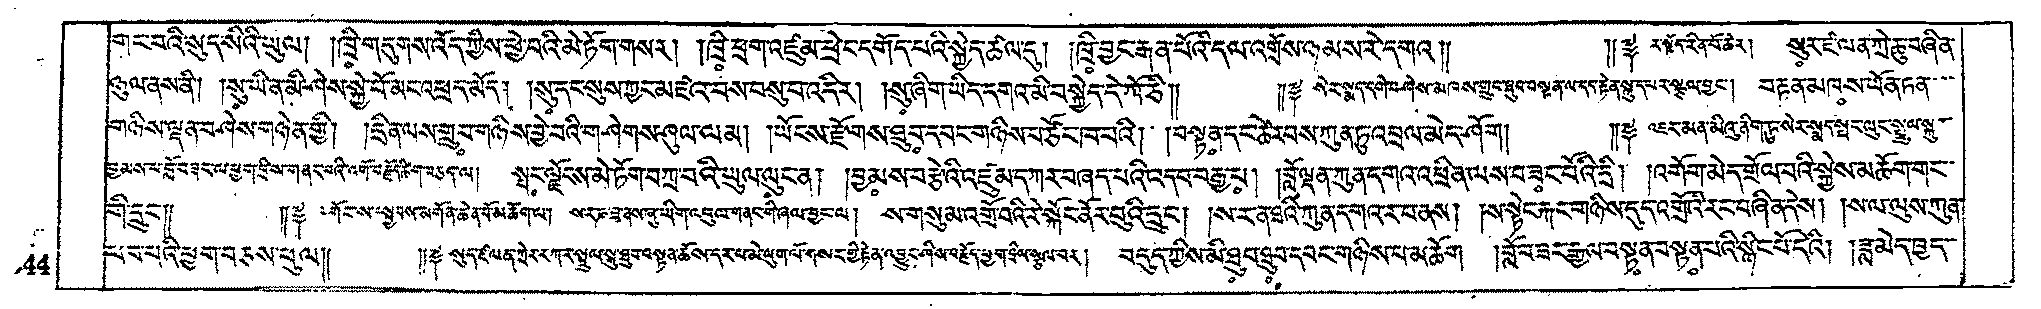གང་བའི་སུད་སིའི་ཡུལ། །ཁྲི྾་གདུགས་འོད་ཀྱིས་ཕྱེ་བའི་མེ་ཏོག་གསར། །ཁྲི྾་ཕྲག་འཛུམ་ཕྲེང་དགོད་པའི་སྐྱེད་ཚལ་དུ། །ཁྲི྾་བྱང་རྒན་པོའི་དལ་འགྲོས་ཉམས་རེ་དགའ།། །། འ་ར་སྟོད་རིན་པོ་ཆེར།  སུར྾་ཛ་ལན་ཀྲེ་ཆུ་བཞིན་
ཉུལ་ནས་ནི། །སུ྾་ཡིན་མི་ཤེས་སྐྱེ་བོ་མང་འཕྲད་མོད། །སུ྾་དང་སུས་ཀྱང་མཛའ་བས་བསུ་བ་འདིར། །སུ྾་ཞིག་ཡིད་དགའ་མི་བསྐྱེད་དེ་ཀོ་ཅི།། །། འ་སེར་སྨད་དགེ་བཤེས་མཁས་གྲུབ་ཐུབ་བསྟན་ལ་དད་རྟེན་སྐུ་དཔར་སྩལ་བྱང་།  བརྟན་མཁས྾་ཡོན་ཏན་་་
གཉིས་ལྡན་བཤེས་གཉེན་གྱི། །དྲིན་ལས་གྲུབ྾་གཉིས་བྱེ་བའི་གཤེགས་ཤུལ་ལམ། །ཡོངས་རྫོགས་ཐུབ྾་དབང་གཉིས་པ་ཙོང་ཁ་པའི། །བསྟན྾་དང་ཚེ་རབས་ཀུན་ཏུ་འབྲལ་མེད་ཤོག། །། འ་འཇར་མན་མིའུ་ནིག་ཏུ་སེར་སྨད་སྤང་ལུང་སྤྲུལ་སྐུ་་་
བྱམས་པ་བློ་བཟང་ལ་ཕྱག་བྲིས་གནང་བའི་འགོ་བརྗོད་ཚིག་བཅད་ལ། སྤང྾་ལྗོངས་མེ་ཏོག་བཀྲ་བའི་ཡུལ་ལུང྾་ན། །བྱམས྾་བརྩེའི་འཛུམ་དཀར་བཞད་པའི་འདབ་བརྒྱ་པ྾། །བློ྾་ལྡན་ཀུན་དགའ་འཕྲིན་ལས་བཟང྾་པོའི་དྲི། །འགོག་མེད་གྲོལ་བའི་སྐྱེས་མཆོག་གང་་་
གི་དྲུང།། །། འ་༧གོང་ས ༧སྐྱབས་མགོན་ཆེན་པོ་མཆོག་ལ། ས་ར་ཎ་ཐ་ནས་ཞུ་ཡིག་འབུལ་གནང་གི་ཞལ་བྱང་ལ།  ས་གསུམ་འགྲོ་བའི་རེ་སྐོང་ནོར་བུའི་དྲུང་། །ས་ར་ན་ཐའི་ཀུན་དགའ་ར་བ་ནས། །ས་སྟེང་རྐང་གཉིས་དུད་འགྲོའི་རང་བཞིན་དེས། །ས་ལ་ལུས་ཀུན་
ཕབ་པའི་ཕྱག་བཅས་ཕུལ།། །། འ་སུད་ཛ་ལན་ཀྲེར་རཀ་ར་སྤྲུལ་སྐུ་ཐུབ་བསྟན་ཆོས་དར་ལ་མེ་ལུག་ལོ་གསར་གྱི་རྟེན་འབྱུང་ཤིས་བརྗོད་ཕྱག་བྲིས་སྩལ་བར།  བདུད་ཀྱིས་མི་ཐུབ྾་ཐུབ྾་དབང་གཉིས་པ་མཆོག །བློ་བཟང་རྒྱལ་བསྟན྾་བསྟན྾་པའི་སྙིང་པོ་དེའི། །ཟླ་མེད་ཁྱད་་་